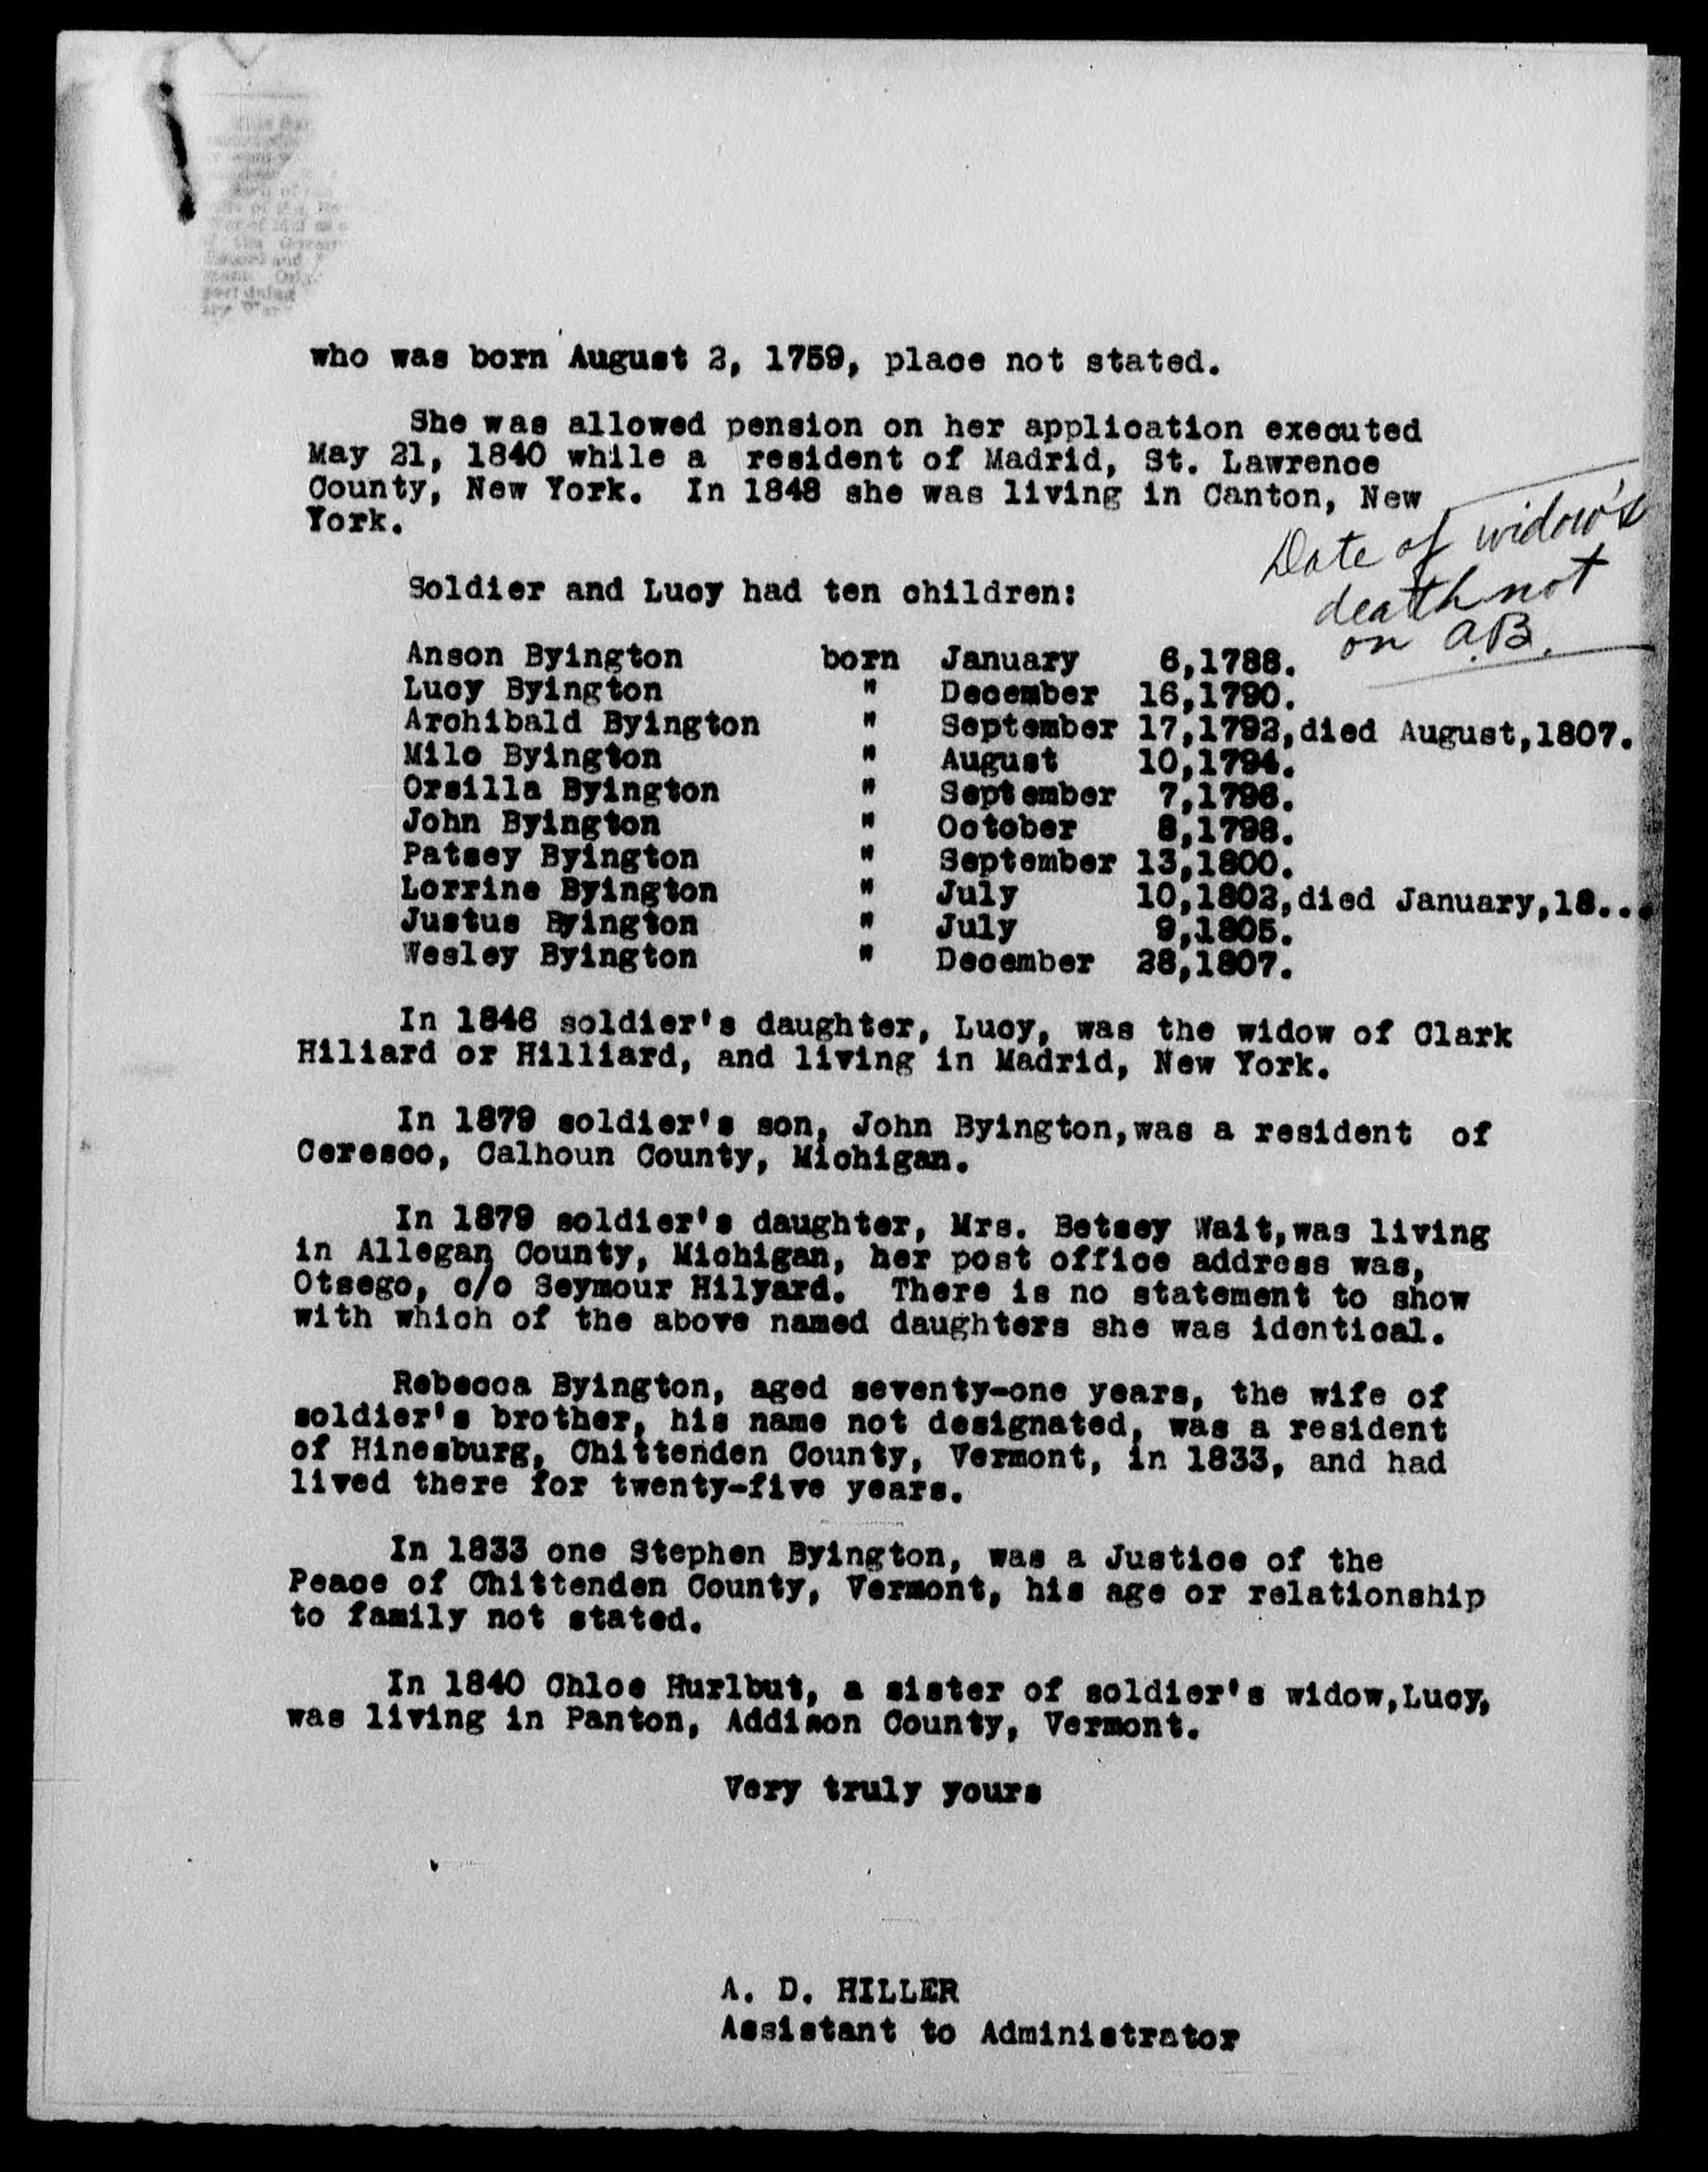who was born August 2, 1759, place not stated.

She was allowed pension on her application executed May 21, 1840 while a resident of Madrid, St. Lawrence County, New York. In 1848 she was living Canton, New York.

[handwritten] Date of widow's death not on AB

Soldier and Lucy had ten children:
Anson Byington born January 6, 1788.
Lucy Byington born December 16, 1790.
Archibald Byington born September 17, 1792 - died August, 1807.
Milo Byington born August 10, 1794.
Orsilla Byington born September 7, 1796.
John Byington born October 8, 1798.
Patsey Byington born September 13, 1800.
Lorrine Byington born July 10, 1802, died January, 18...
Justus Byington born July 9, 1805.
Wesley Byington born December 28, 1807.

In 1846 soldier's daughter, Lucy, was the widow of Clark Hiliard or Hilliard, and living in Madrid, New York.

In 1879 soldier's son, John Byington, was a resident of Ceresco, Calhoun County, Michigan.

In 1879 soldier's daughter, Mrs. Betsey Wait, was living in Allegan County, Michigan, her post office address was, Otsego, c/o Seymour Hilyard. There is no statement to show with which of the above named daughters she was identical.

Rebecca Byington, aged seventy-one years, the wife of soldier's brother, his name not designated, was a resident of Hinesburg, Chittenden County, Vermont, in 1833, and had lived there for twenty-five years.

In 1833 one Stephen Byington, was a Justice of the Peace of Chittenden County, Vermont, his age or relationship to family not stated. 

In 1840 Chloe Hurlbut, a sister of soldier's widow, Lucy, was living in Panton, Addison County, Vermont.
Very truly yours

A.D. HILLER
Assistant to Administrator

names: Orsilla Byington, Patsey Byington, Clark Hiliard, Chloe Hurlbut, Lorrine Byington, Rebecca Byington, Lucy, Milo Byington, Archibald Byington, Wesley Byington, Lucy Byington, Justus Byington, Stephen Byington, Seymour Hilyard, A D Hiller, John Byington, Betsey Wait, Clark Hilliard, Lucy, Anson Byington, John Byington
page: 18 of 79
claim: widow's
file: W. 23754, Justus Byington, Conn.